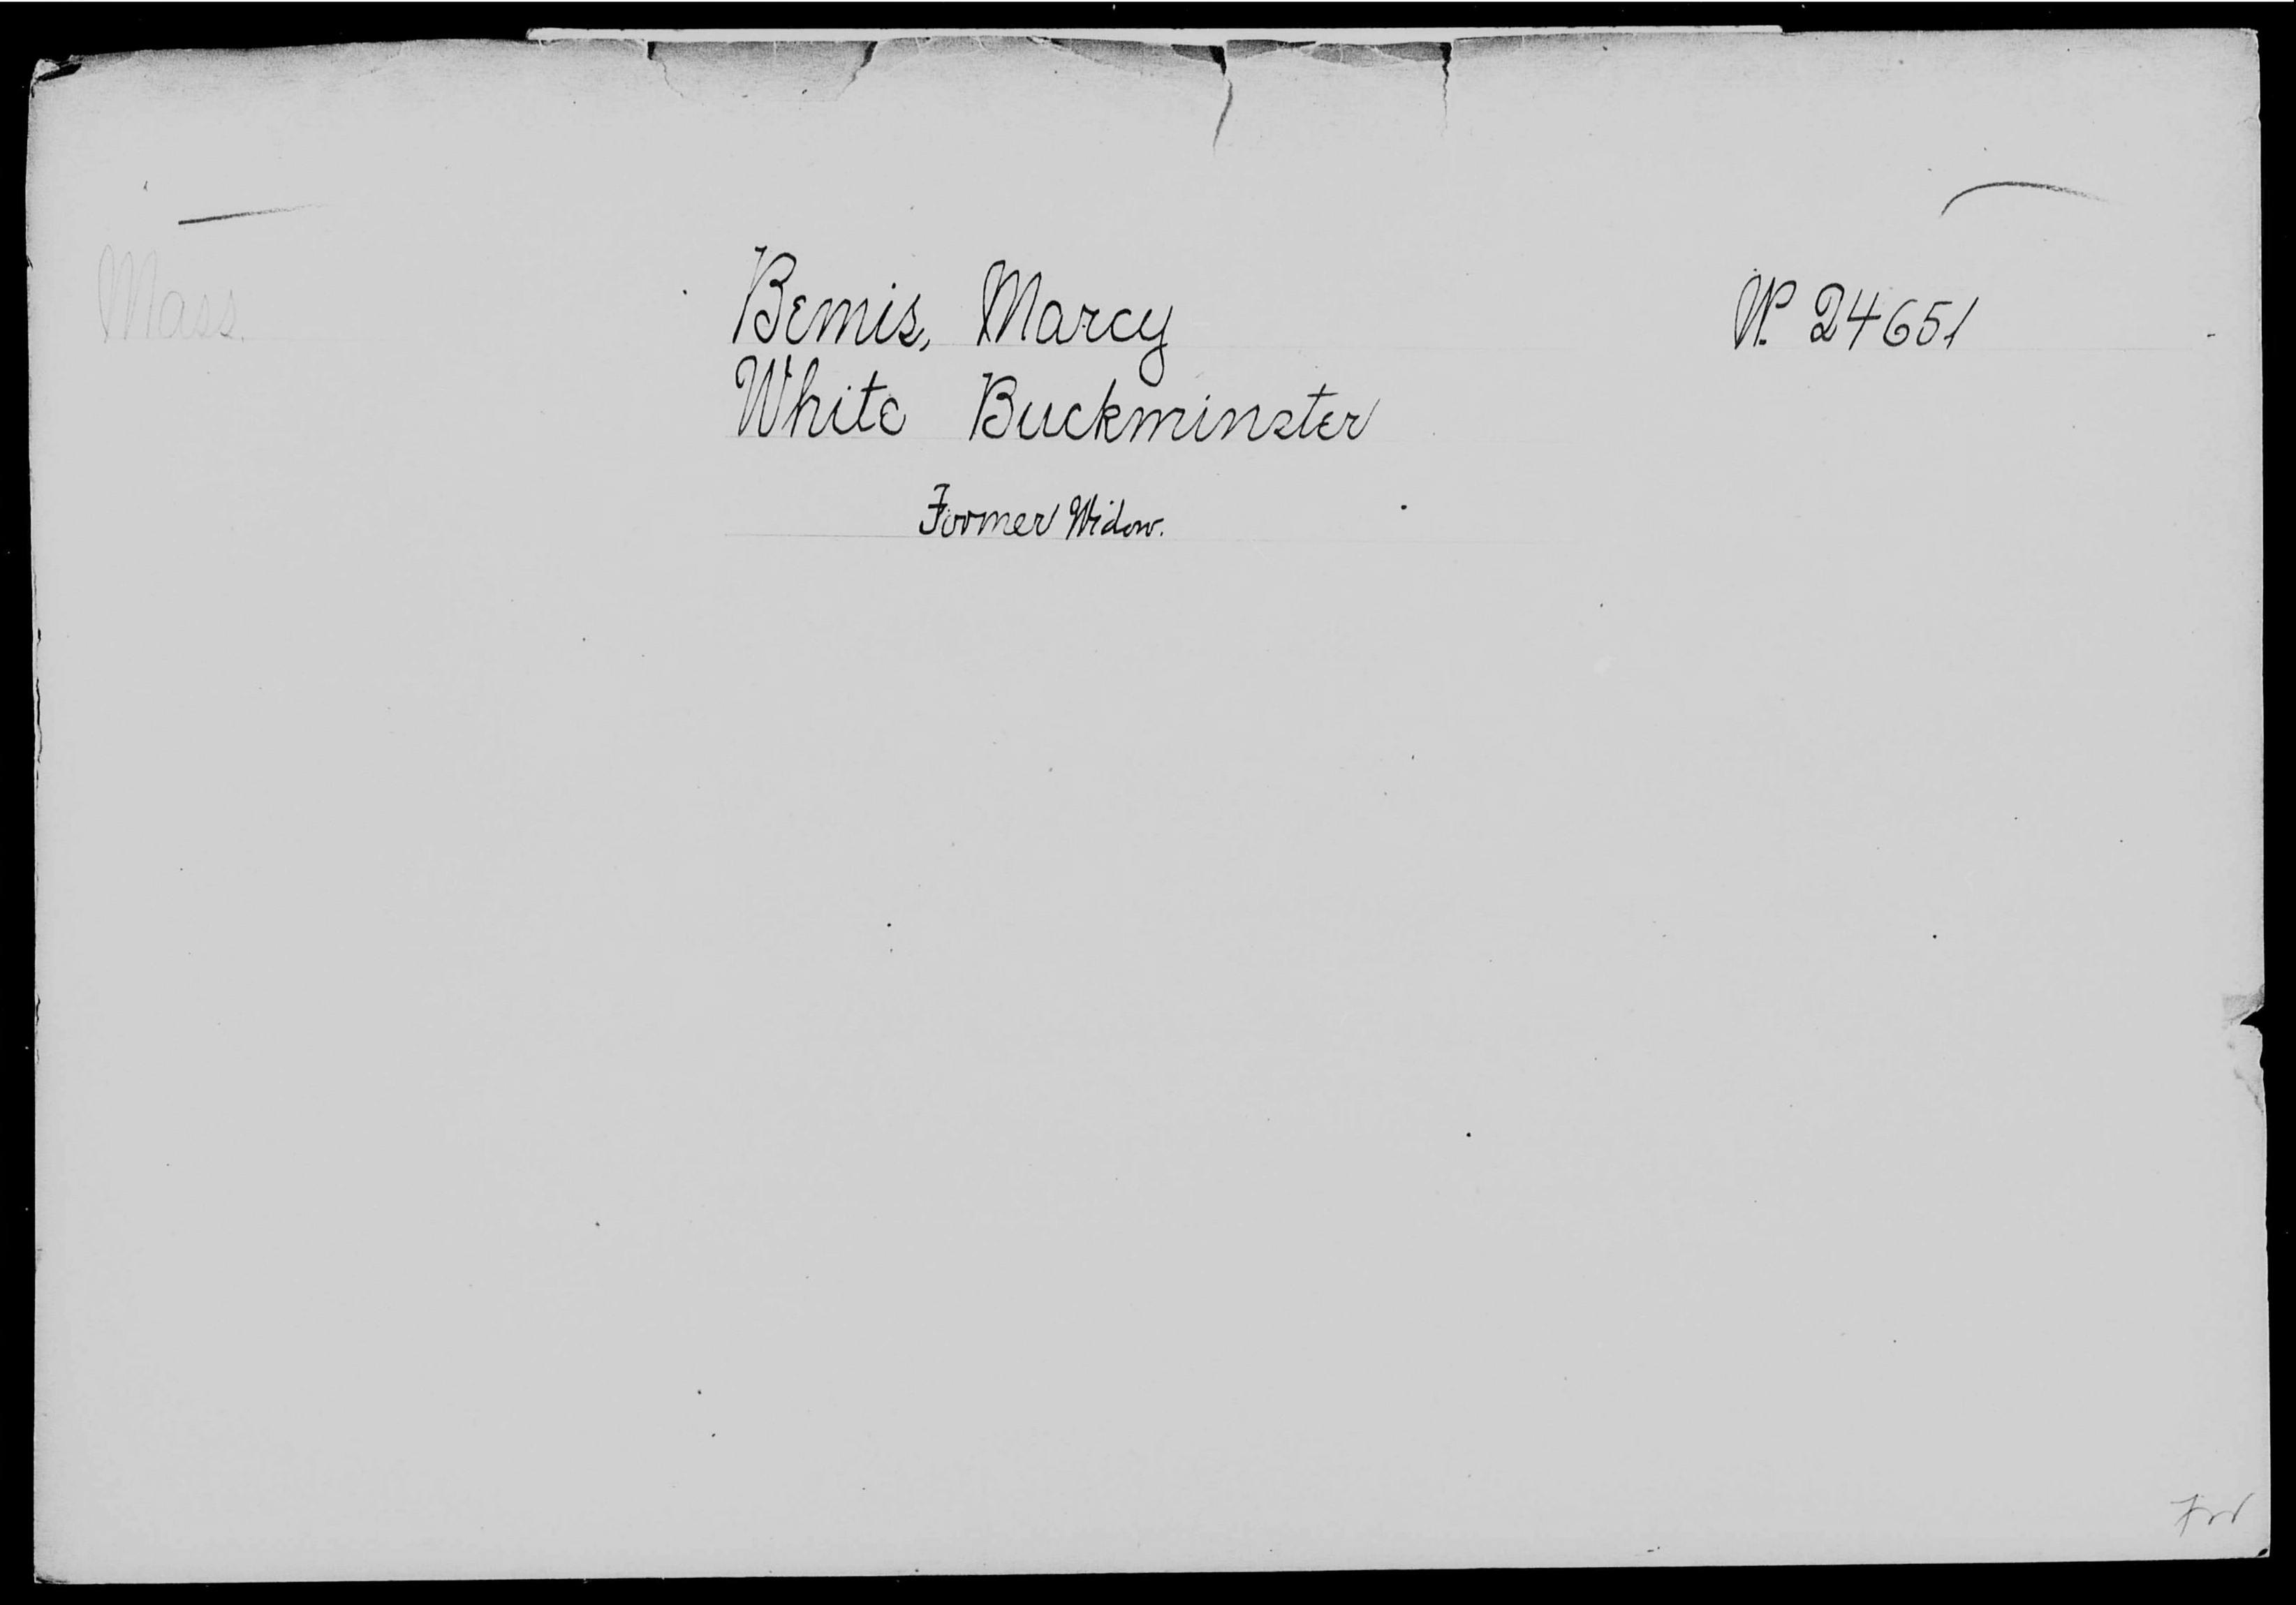W. 24651

Bemis, Marcy
White Buckminster
Former Widow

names: White Buckminster, Marcy Bemis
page: 14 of 14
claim: survivor's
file: S. 32116, Levi Bemis, Vt.